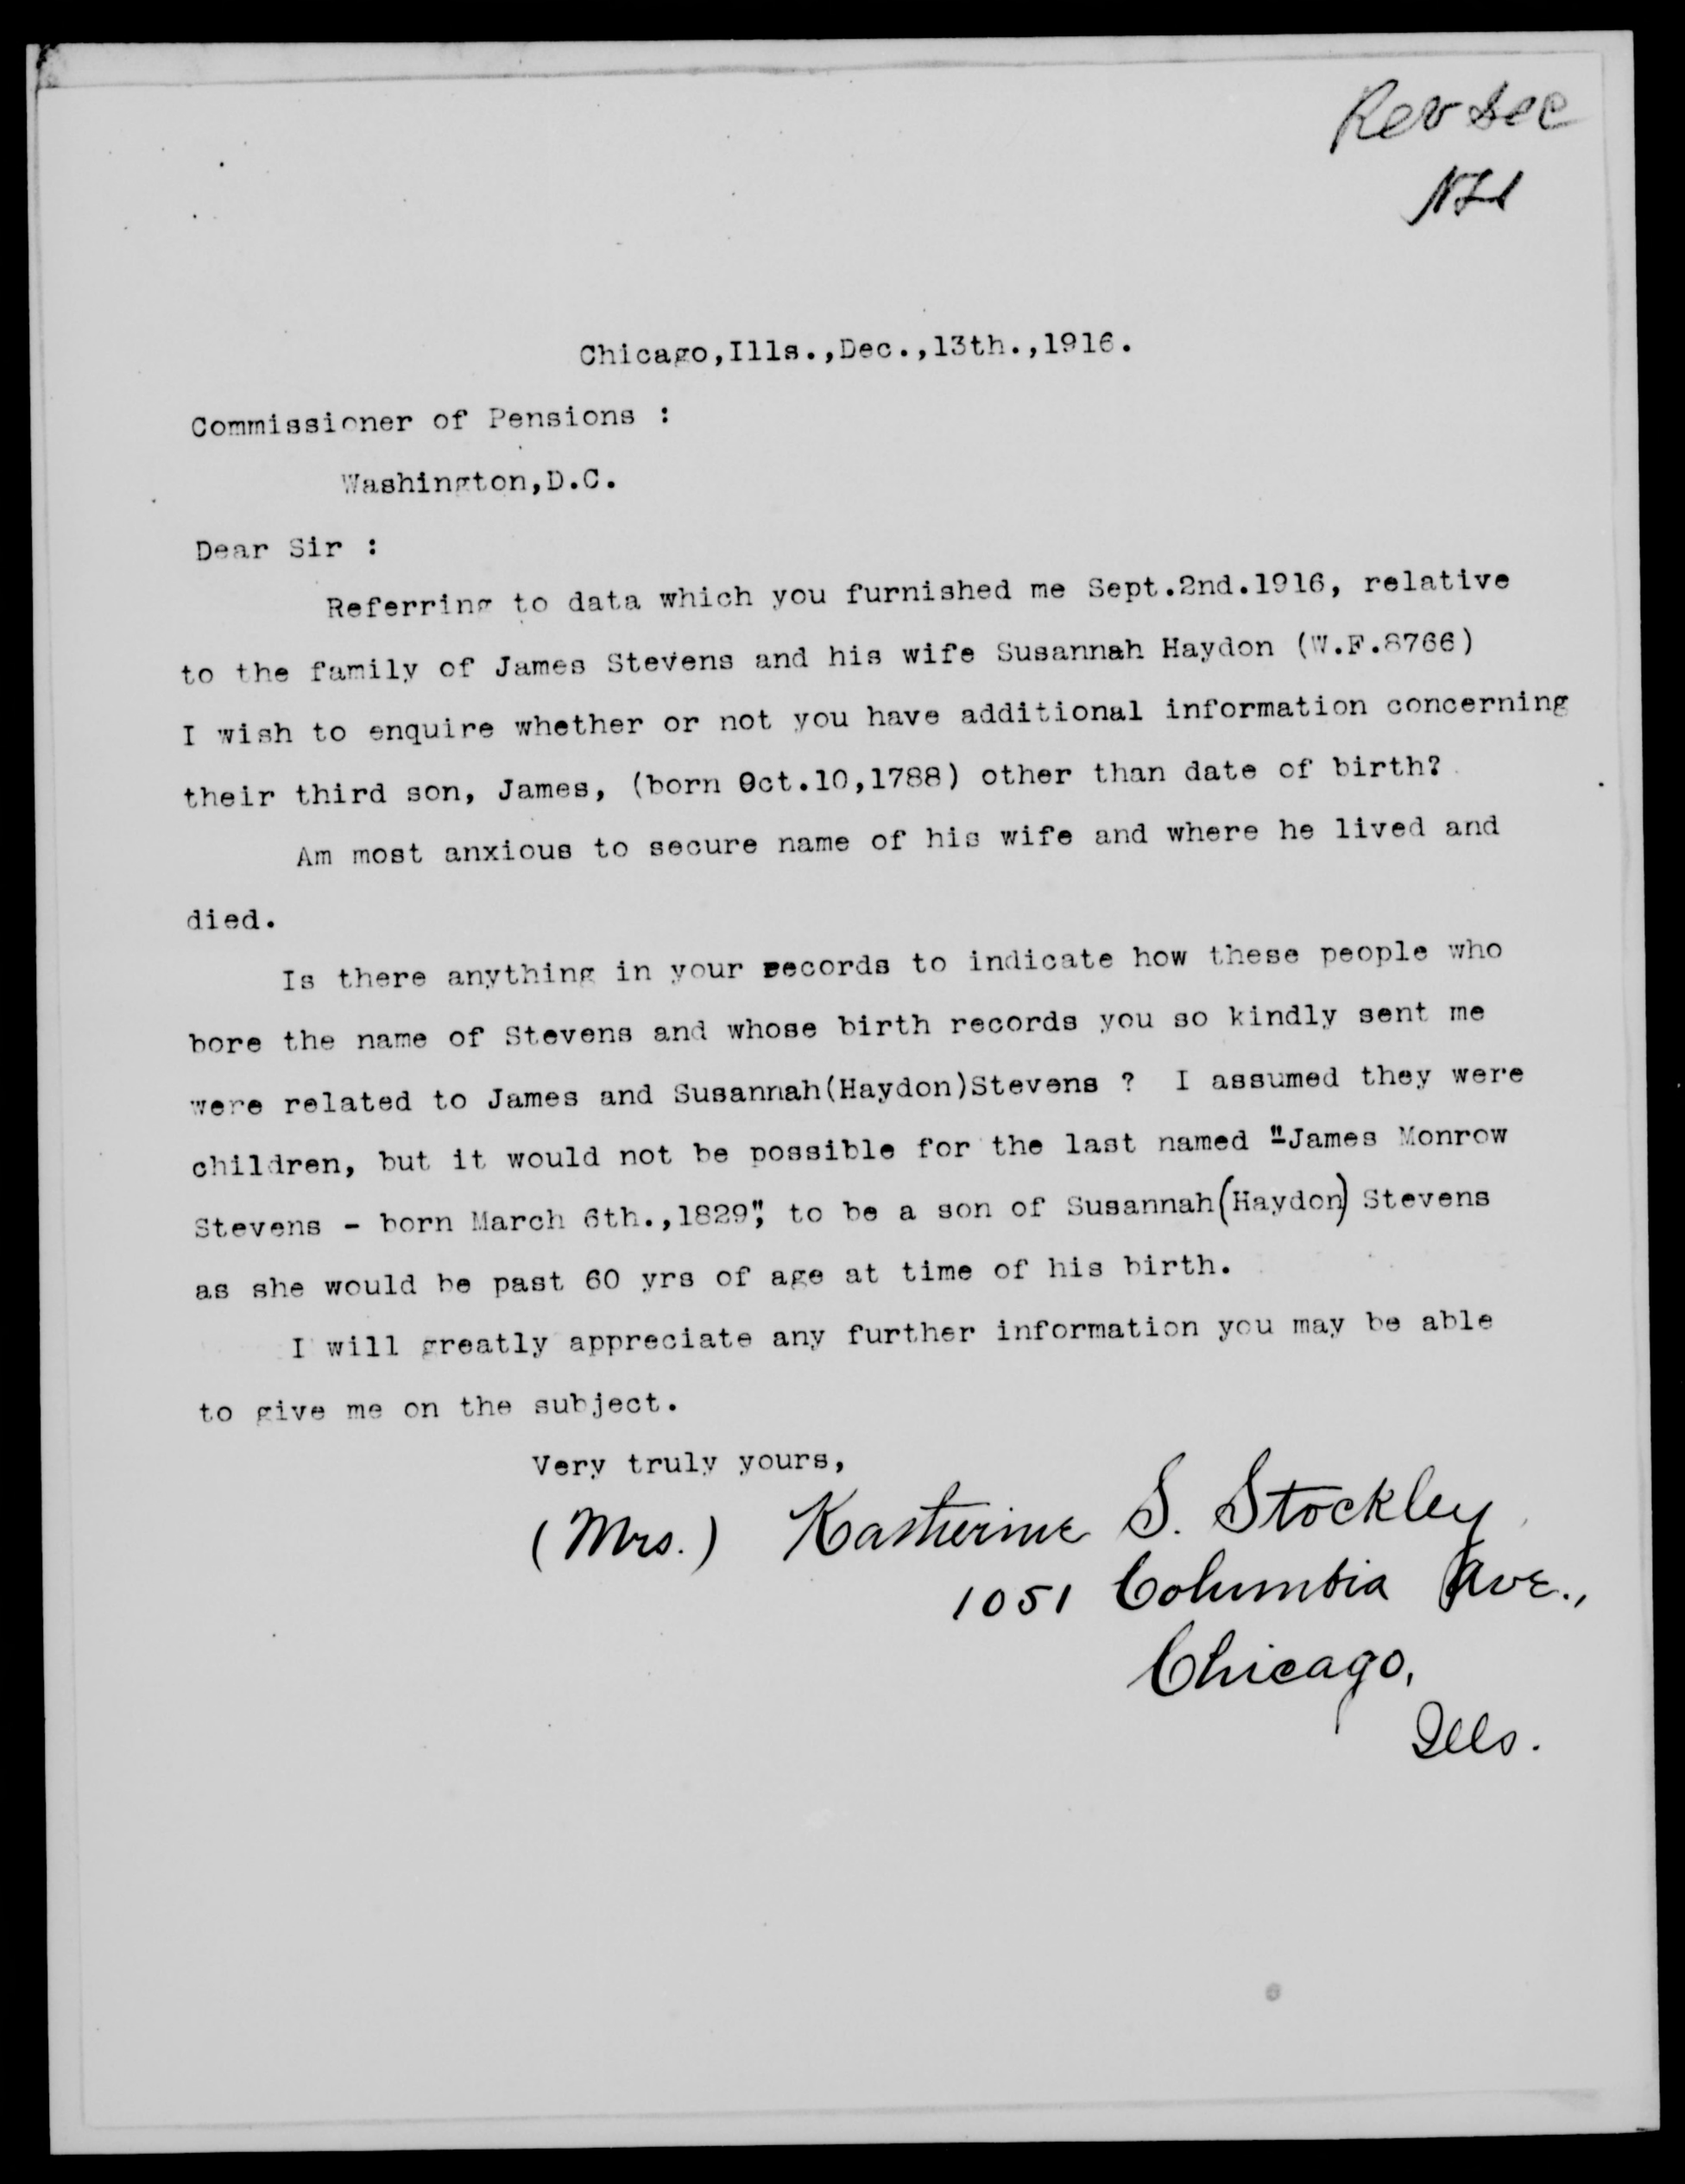Rev Sec
NLS
Chicago, Ills., Dec.,13th., 1916.
Commissioner of Pensions:
Washington, D.C.
Dear Sir:
Referring to data which you furnished me Sept. 2nd, 1916, relative to the family of James Stevens and his wife Susannah Haydon (W.F.8766 ) I wish to enquire whether or not you have additional information concerning
their third son, James, (born Oct. 10, 1788) other than date of birth?
Am most anxious to secure name of his wife and where he lived and died.
Is there anything in your records to indicate how these people who bore the name of Stevens and whose birth records you so kindly sent me were related to James and Susannah (Haydon ) Stevens? I assumed they were
children, but it would not be possible for the last named James Monrow Stevens - born March 8th, 1829; to be a son of Susannah (Haydon) Stevens as she would be past 60 yrs of age at time of his birth.
I will greatly appreciate any further information you may be able to give me on the subject.
Very truly yours,
(Mrs.) Katherine S. Stockley
1051 Columbia Ave.
Chicago, Ills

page: 38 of 99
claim: widow's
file: W 8766, for James Stevens, Virginia